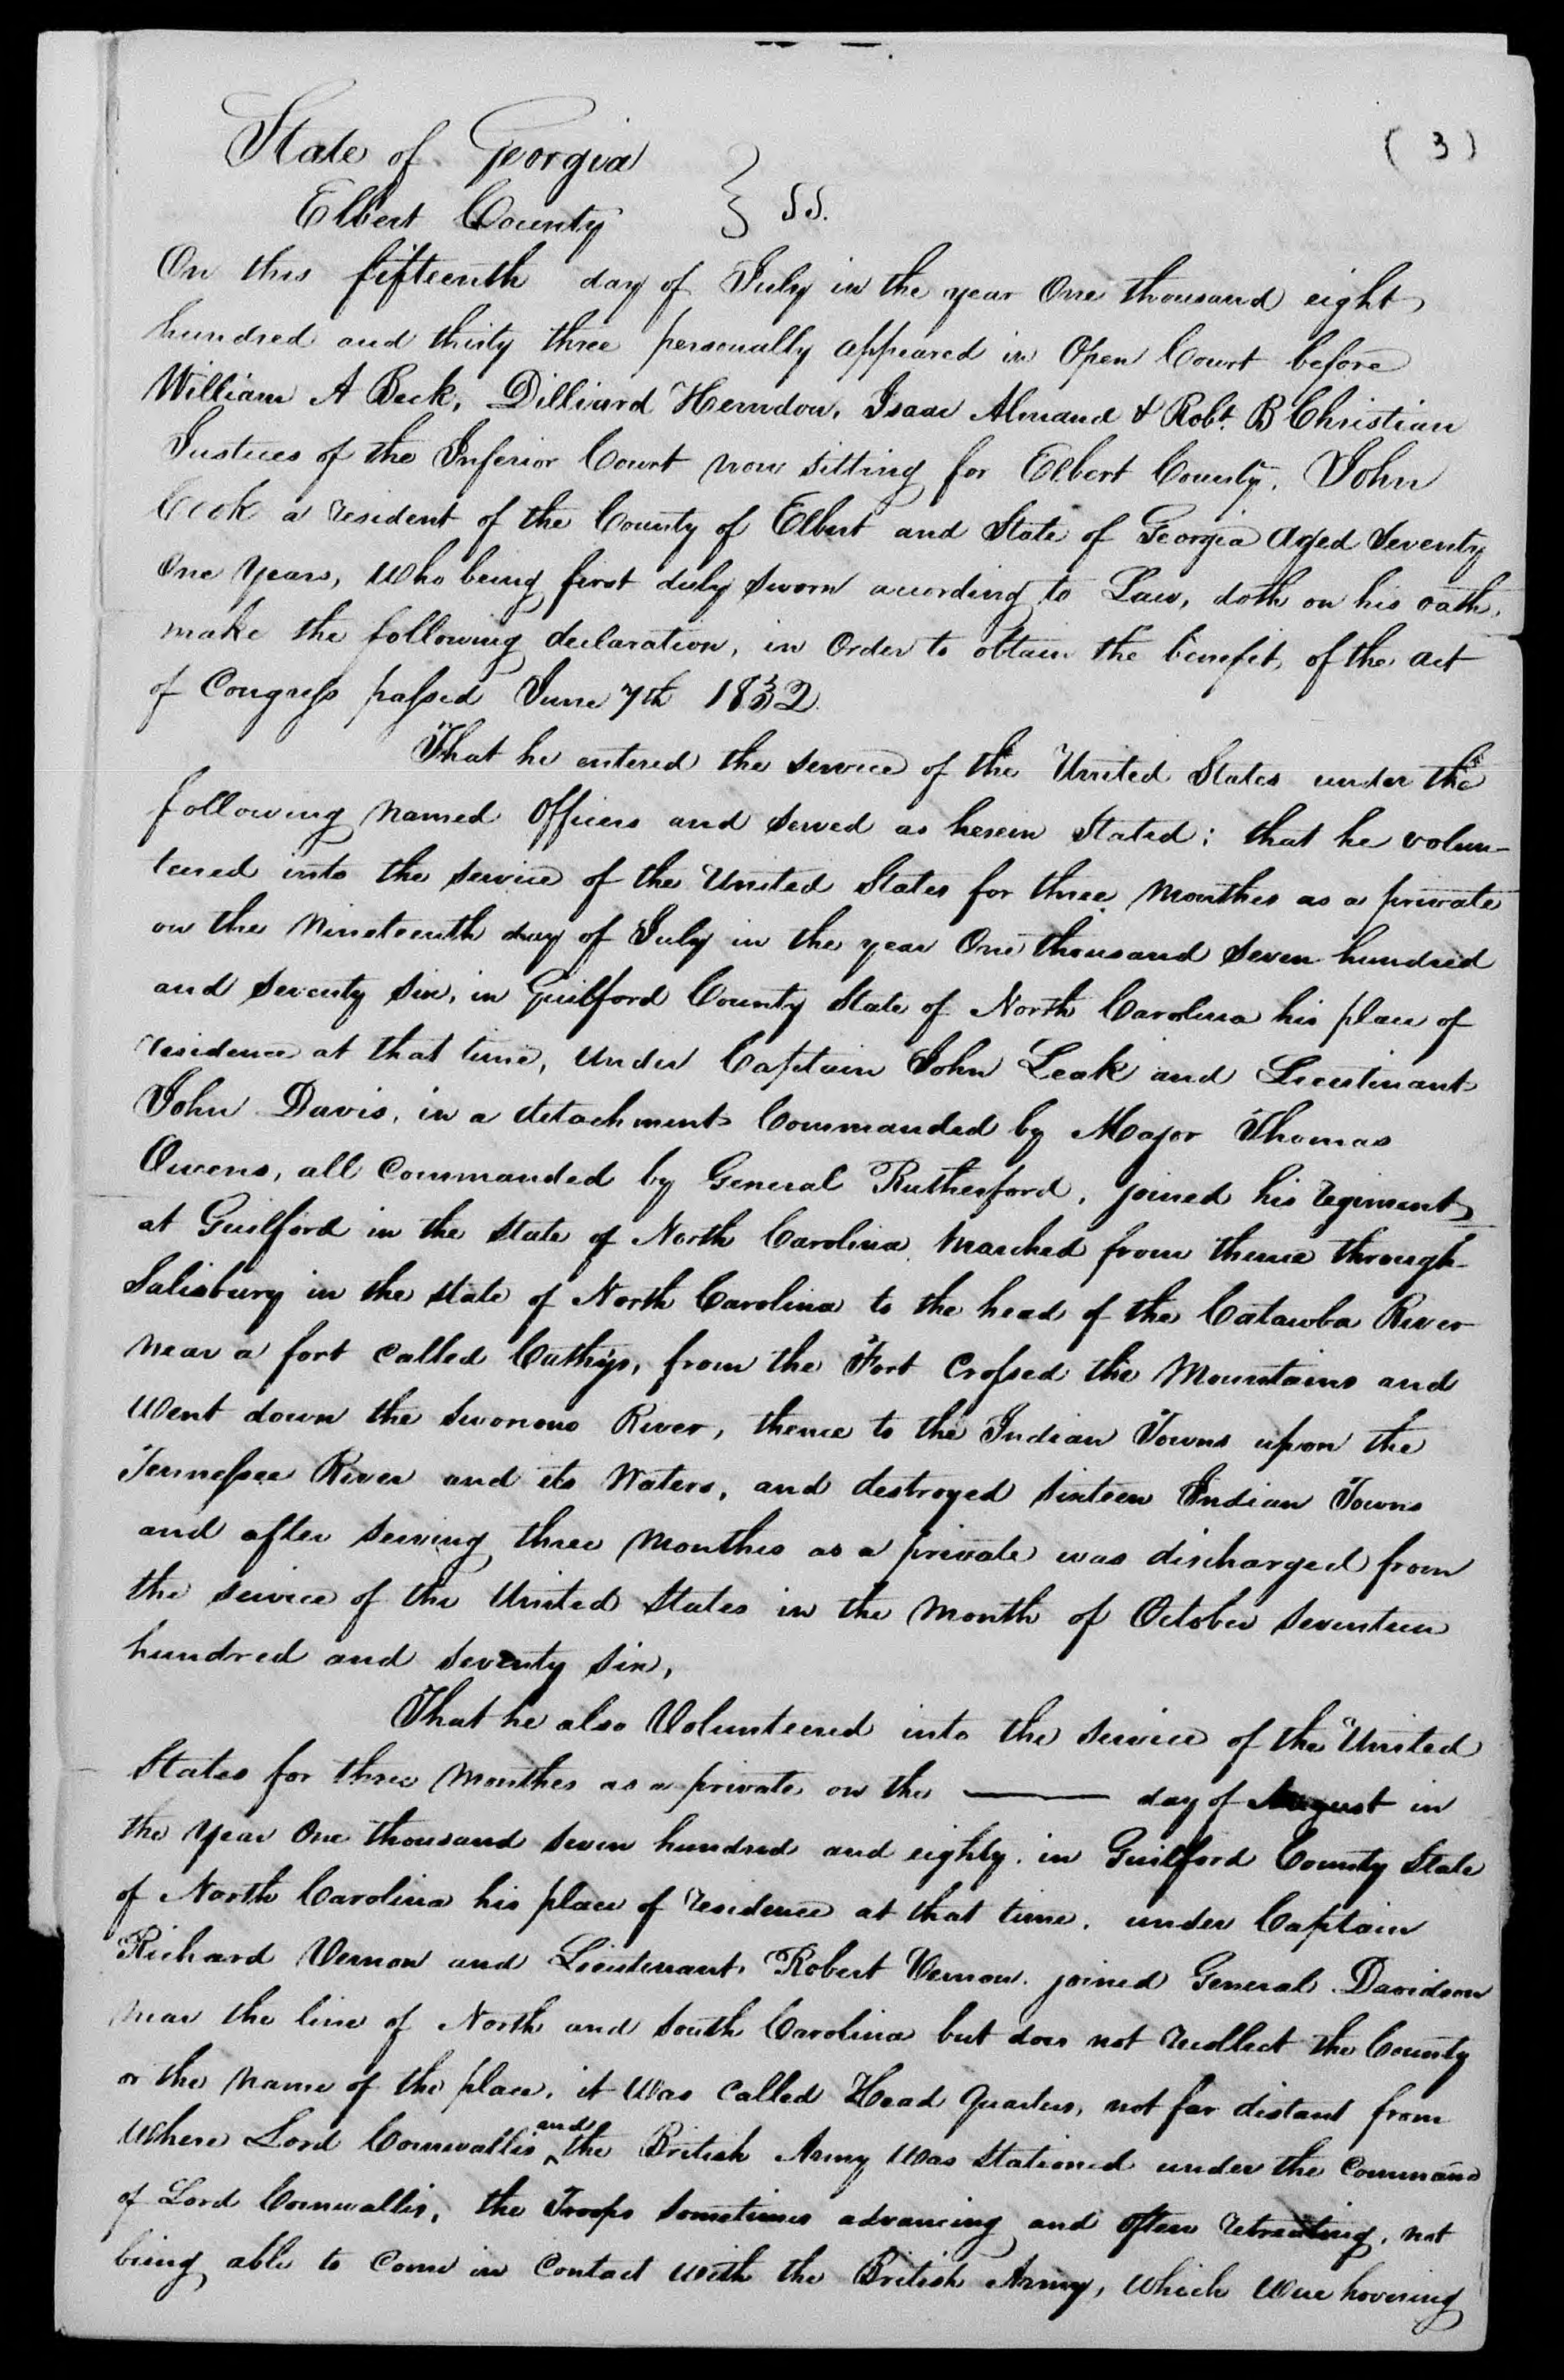(3)
State of Georgia   )
Elbert County       )  SS.
On this fifteenth day of July in the year One thousand eight hundred and thirty three personally appeared in Open Court before William A. Beck, Dilliard Herndon, Isaac Almand & Robt. B Christian Justices of the Inferior Court now sitting for Elbert County.  John Cook a resident of the County of Elbert and State of Georgia aged Seventy One years, who being first duly Sworn according to Law, doth on his oath, make the following declaratin, in Order to obtain the benefit of the act of Congress passed June 7th 1832.
  That he entered the service of the United States under the following named officers and served as herein Stated: that he volunteered into the service of the United States for three months as a private on the nineteenth day of July in the year One thousand Seven hundred and Seventy Six, in Guilford County State of North Carolina his place of residence at that time, under Captain John Leak and Lieutenant John Davis, in a detachment Commanded by Major Thomas Owens, all commanded by General Rutherford, joined his regiment at Guilford in the State of North Carolina marched from there through Salisbury in the state of North Carolina to the head of the Catawba River near a fort called Cathey's, from the Fort crossed the mountains and went down the Swanona River, thence to the Indian Towns upon the Tennessee River and its Waters, and destroyed Sixteen Indian Towns and after serving three months as a private was discharged from the service of the United States in the month of October Seventeen hundred and Seventy Six. 
  That he also Volunteered into the service of the United States for three months as a private on the ____ day of August in the year One thousand Seven hundred and eighty in Guilford County State of North Carolina his place of residence at that time under Captain Richard Vernon and Lieutenant Robert Vernon, joined General Davidson near the line of North and South Carolina but does not recollect the County or the name of the place, it was called Headquarters, not far distant from where Lord Cornwallis and the British Army was stationed under the command of Lord Cornwallis, the troops sometime advancing and often retreating, not being able to come in contact with the British Army, which was hovering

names: John Cook, Rutherford, Robt B Christian, John Davis, Davidson, Richard Vernon, Cornwallis, Robert Vernon, Isaac Almand, Thomas Owens, Dilliard Herndon, Cornwallis, John Leak, William A Beck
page: 15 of 18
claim: survivor's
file: S. 16,343, John Cook, N.C.